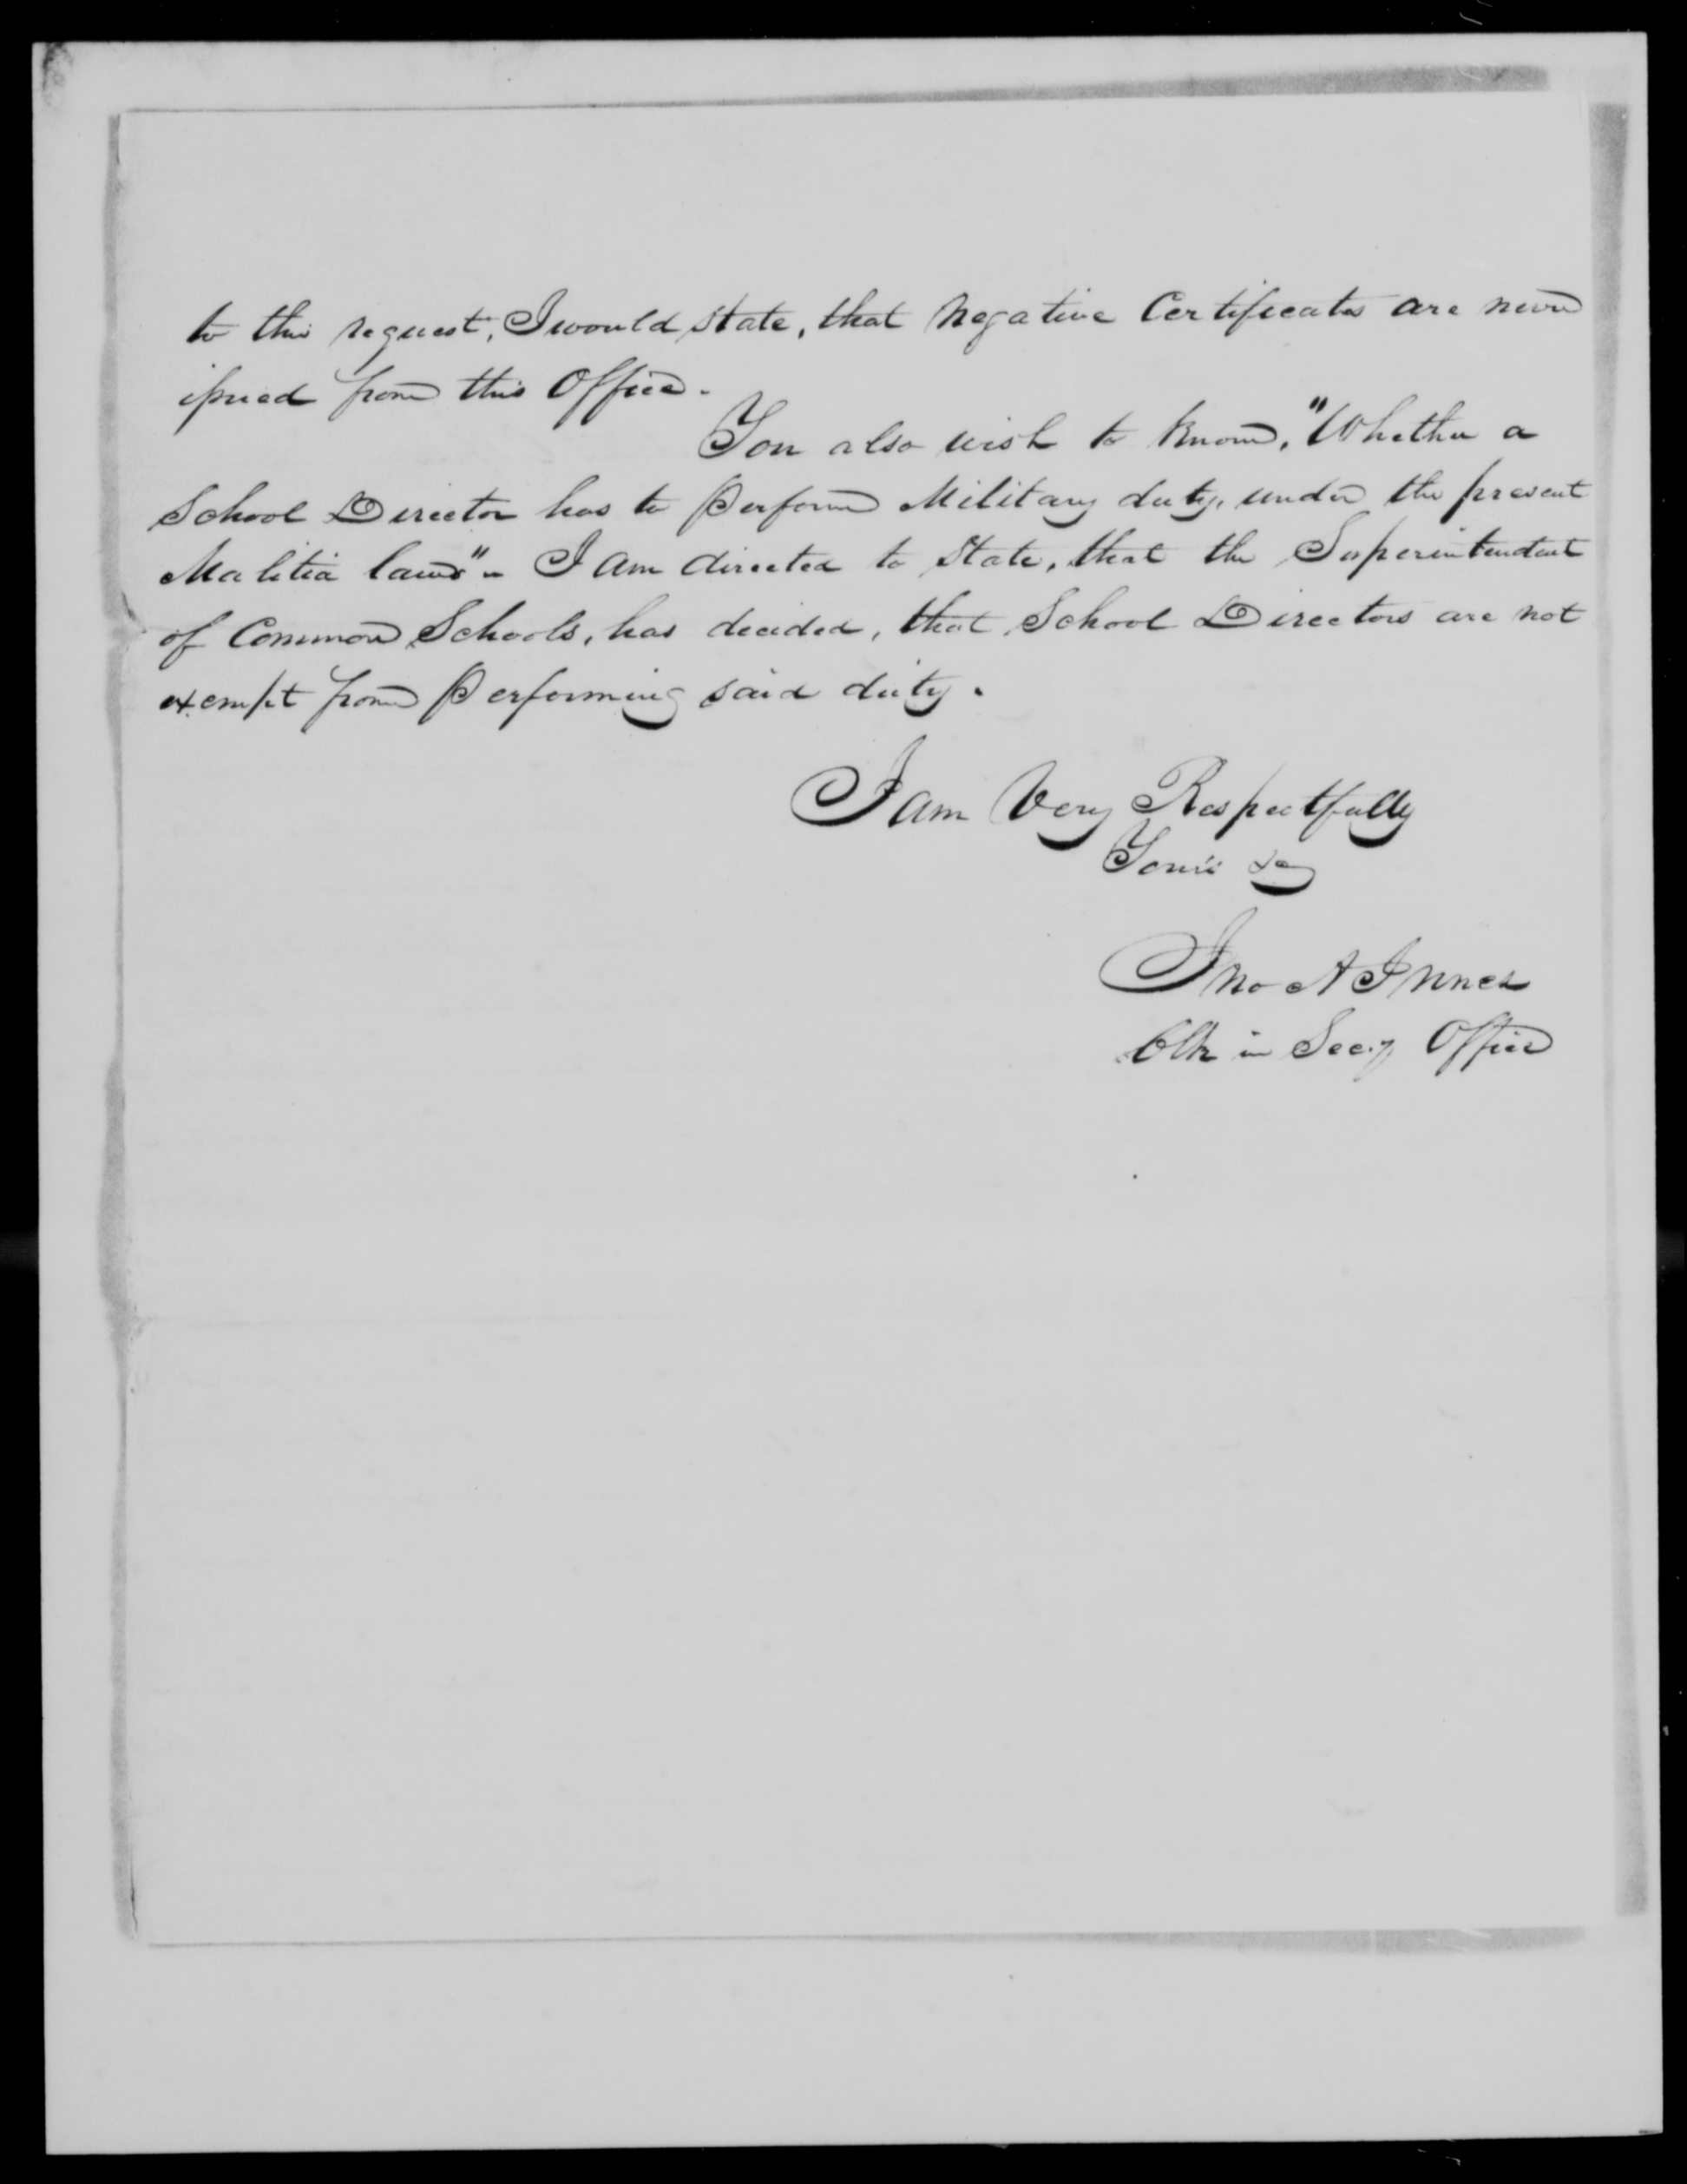to this request I would state, that negative certificates are never issued from this office.

You also wish to know, “Whether a School Director has to perform Military duty under the present Militia laws.” I am directed to state that the Superintendent of Common Schools has decided, that School Directors are not exempt from performing said duty.

I am Very Respectfully
Yours [illegible]

Jno A Innes
Clk in Secy Office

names: Jno A Innes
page: 31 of 73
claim: widow's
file: W. 3197, for Peter Stillwagon, New Jersey